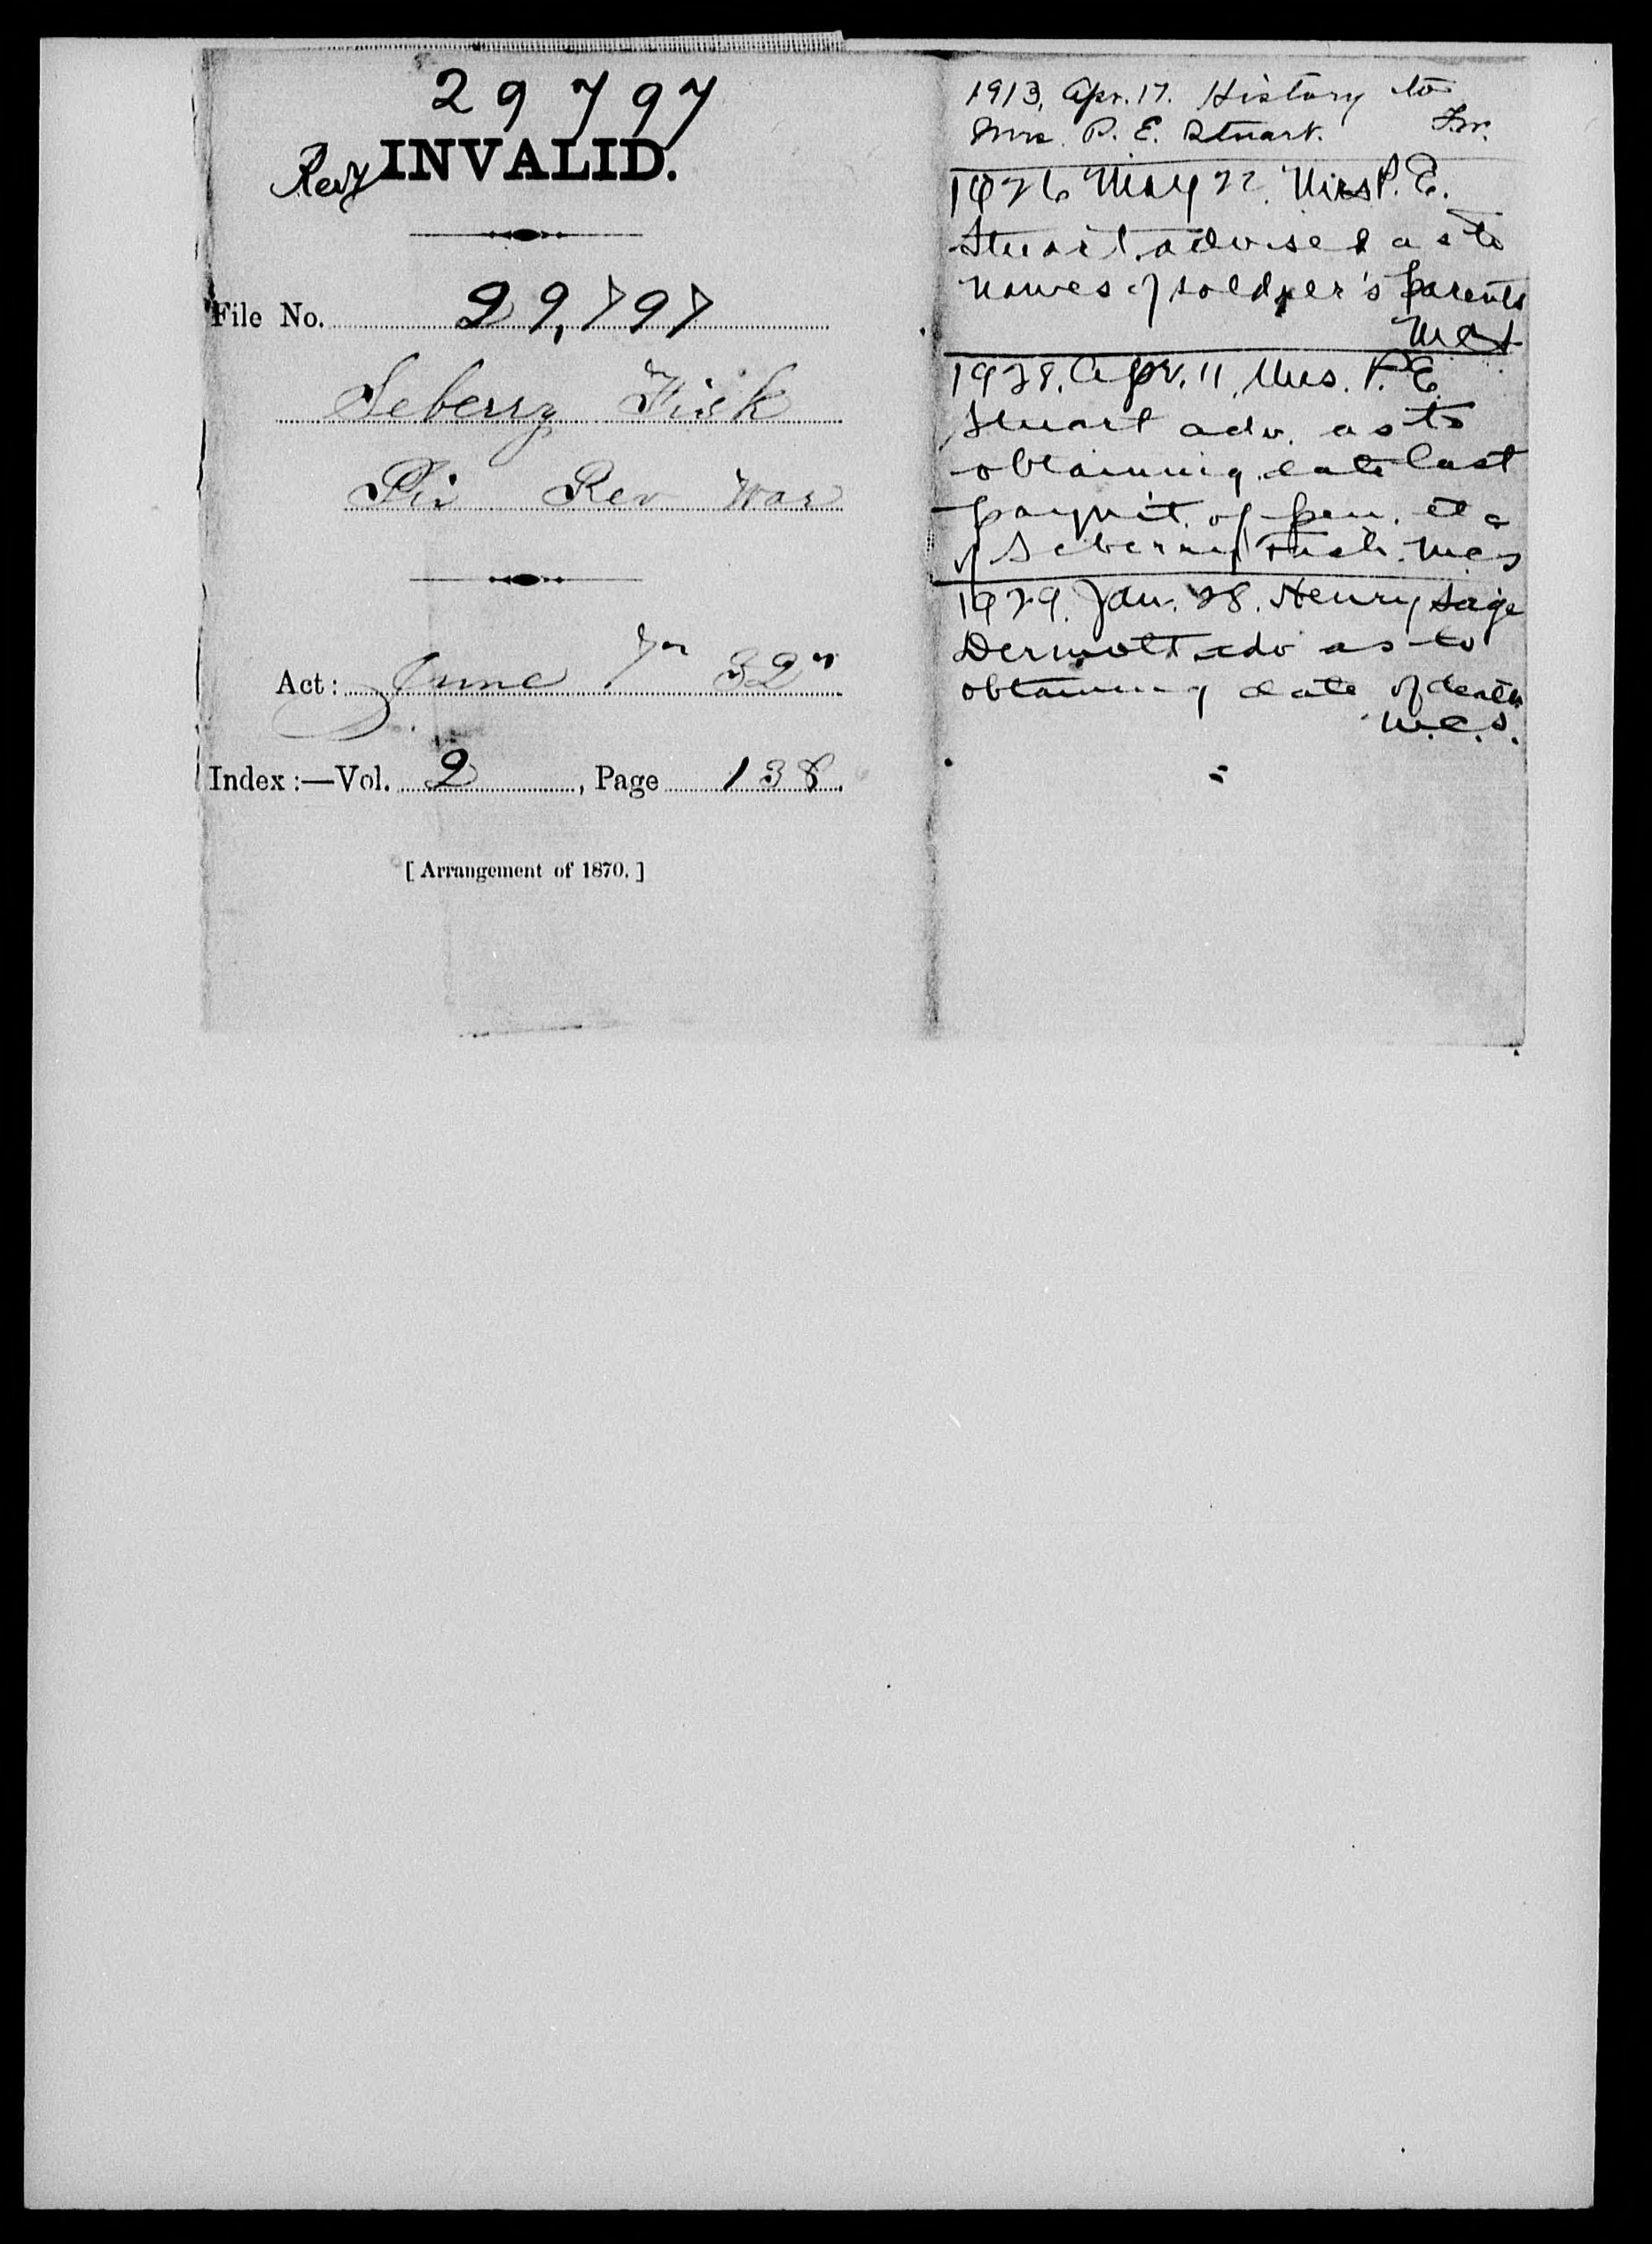[Printed form with handwritten entries. 
Left side of record begins:]

29797
Revy INVALID.
________________

File No. 29,797
Seberry Fisk
Pri [Private} Rev War [Revolutionary War]
___________________________________________
Act:  June 7th 32 [June 7th 1832]
Index: - Vol. 2, Page 138
(Arrangement of 1870.)

[Here the right column on this page begins a handwritten list re correspondents who had written to the Pension Bureau seeking information re claim.]

1913, Apr. 17.  History to Mrs. P. E. Stuart.  [The following initials may have been of the pension bureau clerk who logged this notation:]  F.W. [or F.rr.]
____________________________________________________________________________________________________________________________

1926  May 22  Mrs P. E. Stuart.  advised as to names of soldier's parents. [Following initials are hard to read, but may have been:] MES [or MEA or WES or WEA]
___________________________________________________________________________________________________________________________

1928, Apr. 11, Mrs. P. E. Stuart  adv. as to obtaining. date last paym't of pen. etc. [Here there is either a check mark, or the word "of"] Seberry Fish.  MES [or WES]
__________________________________________________________________________________________________________________________

1929. Jan. 28. Henry Sage Dermott adv as to obtaining date of death.  W.E.S.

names: P E Stuart, P E Stuart, P E Stuart, Henry Sage Dermott, Seberry Fish, Seberry Fish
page: 9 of 26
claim: survivor's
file: S. 29797, Seberry Fish, New York